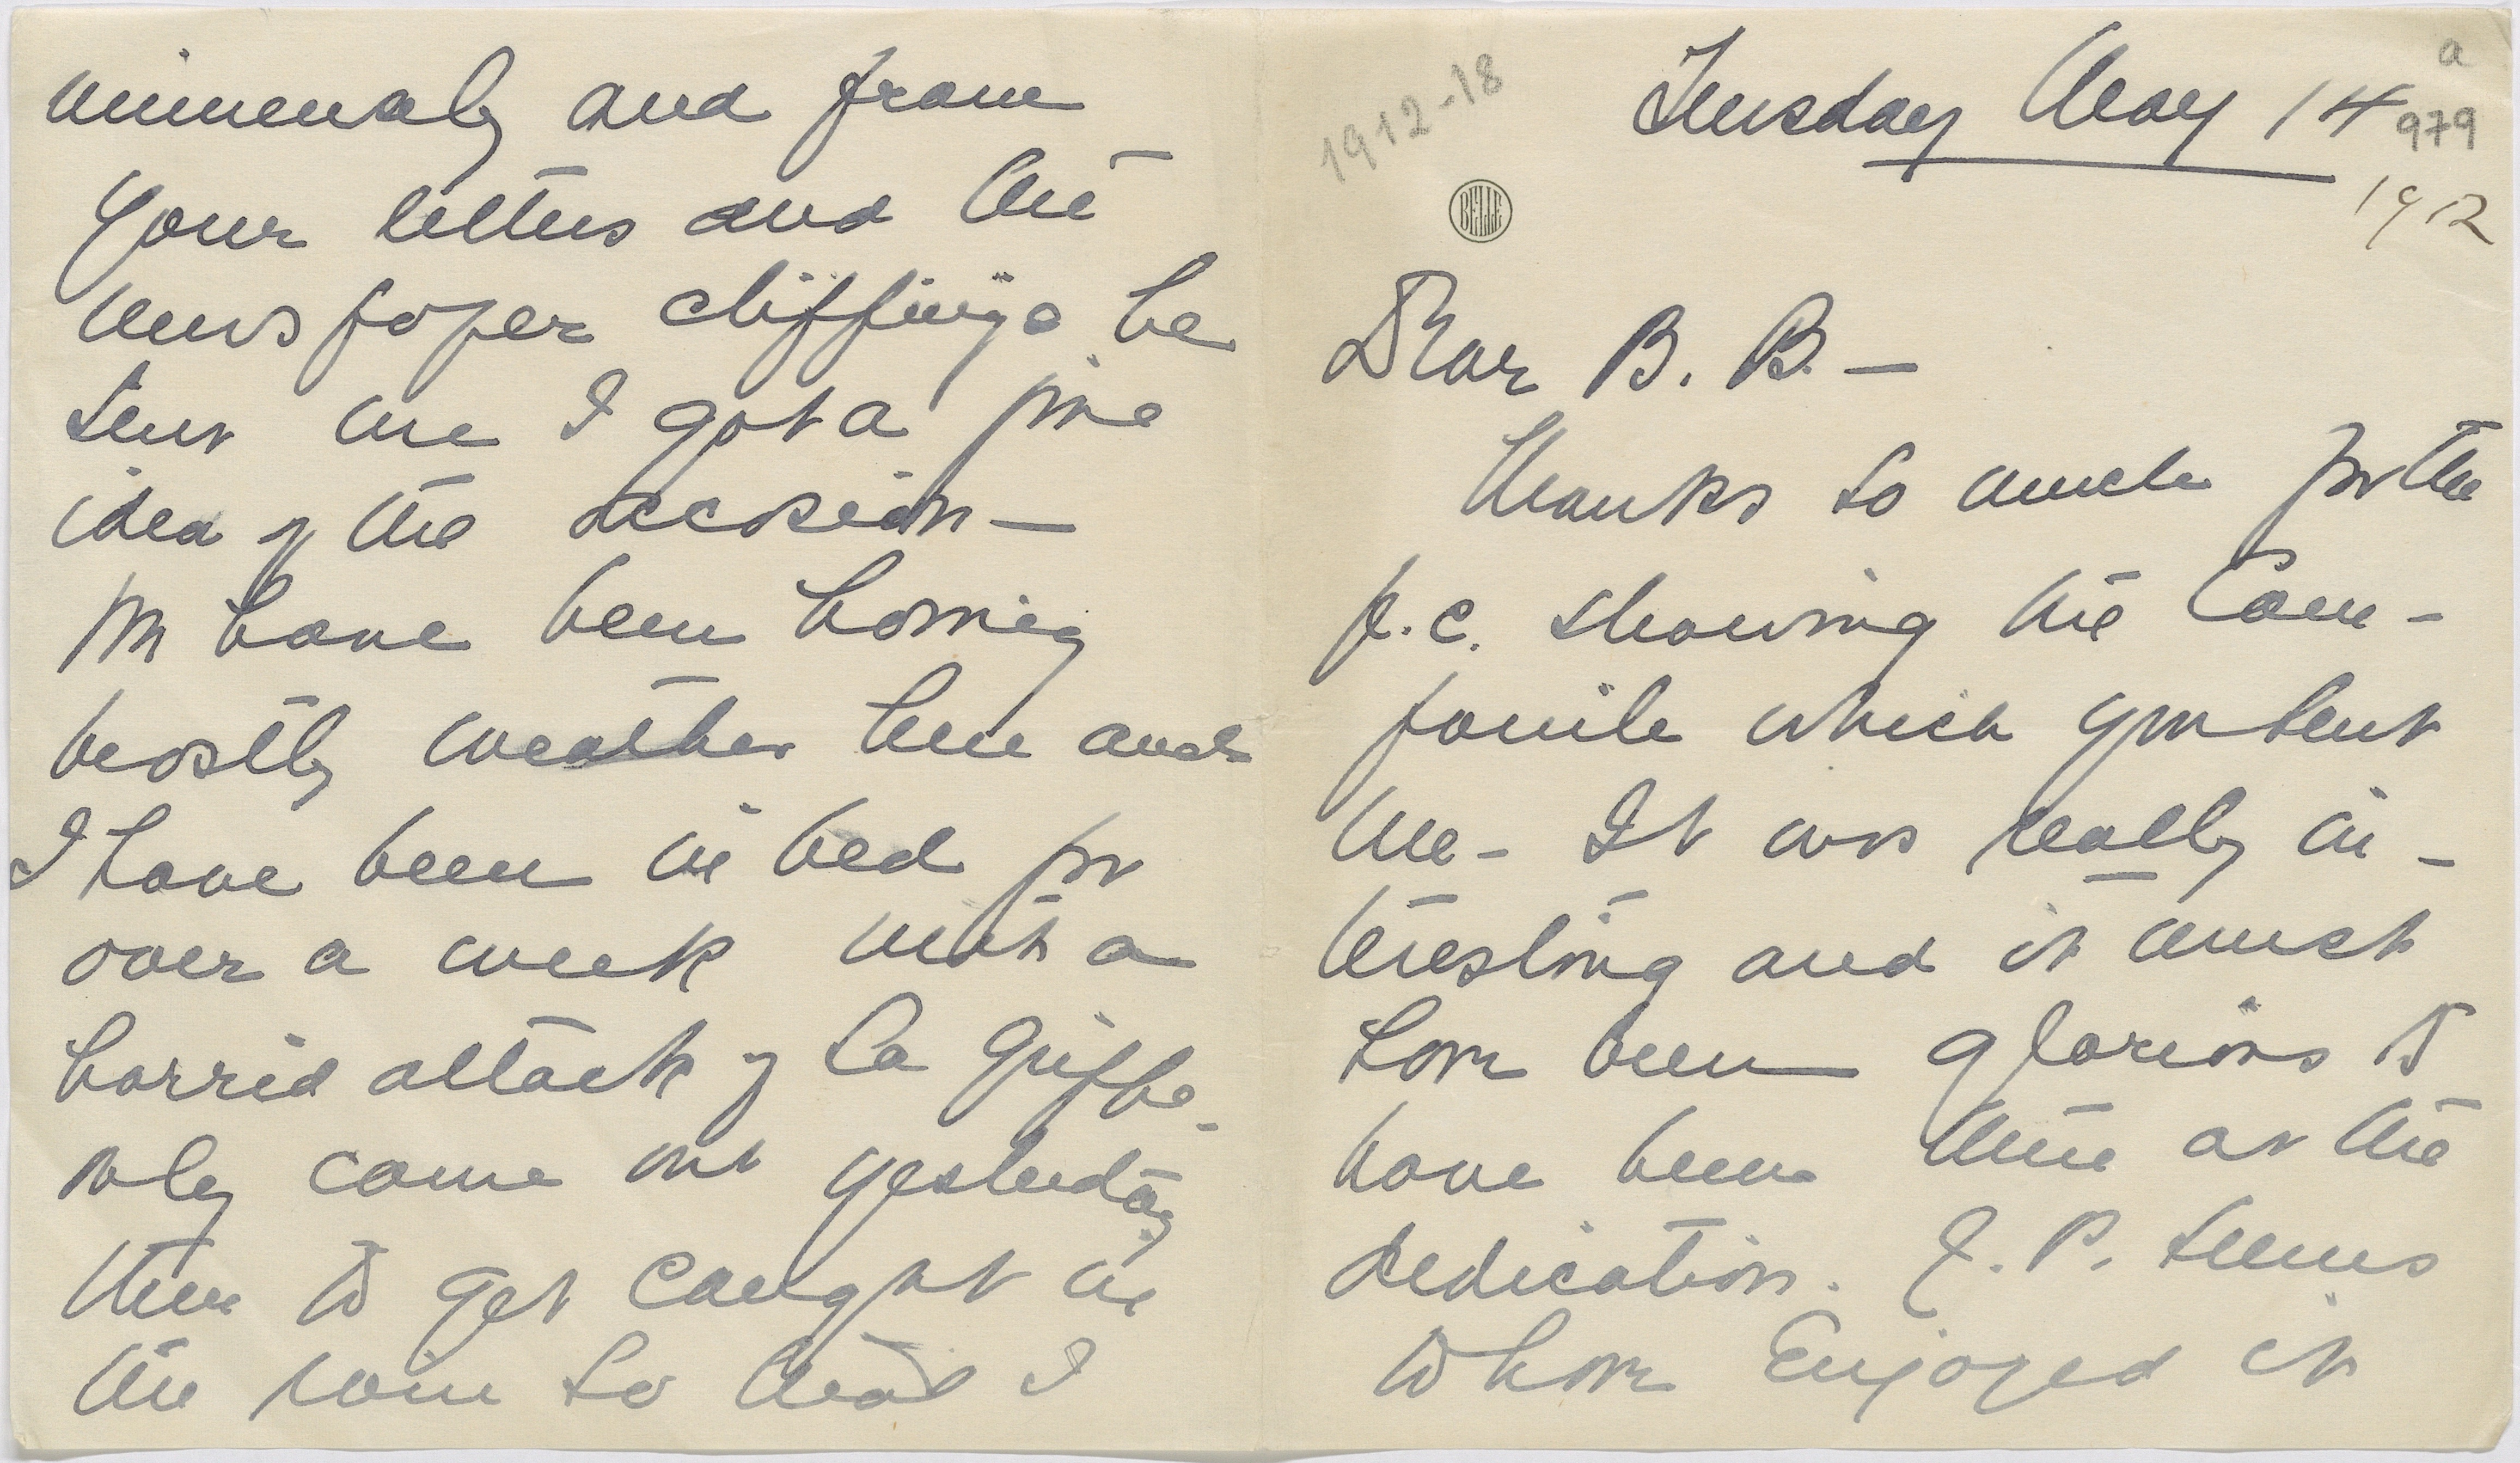Tuesday May 14
Dear B. B. –
Thanks so much for the p.c. showing the Campanile which you sent me – It was really interesting and it must have been glorious to have been there at the dedication. J. P. seems to have enjoyed it
immensely and from your letters and the newspaper clippings he sent me I got a fine idea of the occasion –
We have been having beastly weather here and I have been in bed for over a week with a horrid attack of La Grippe – only come out yesterday then to get caught in the rain so that I